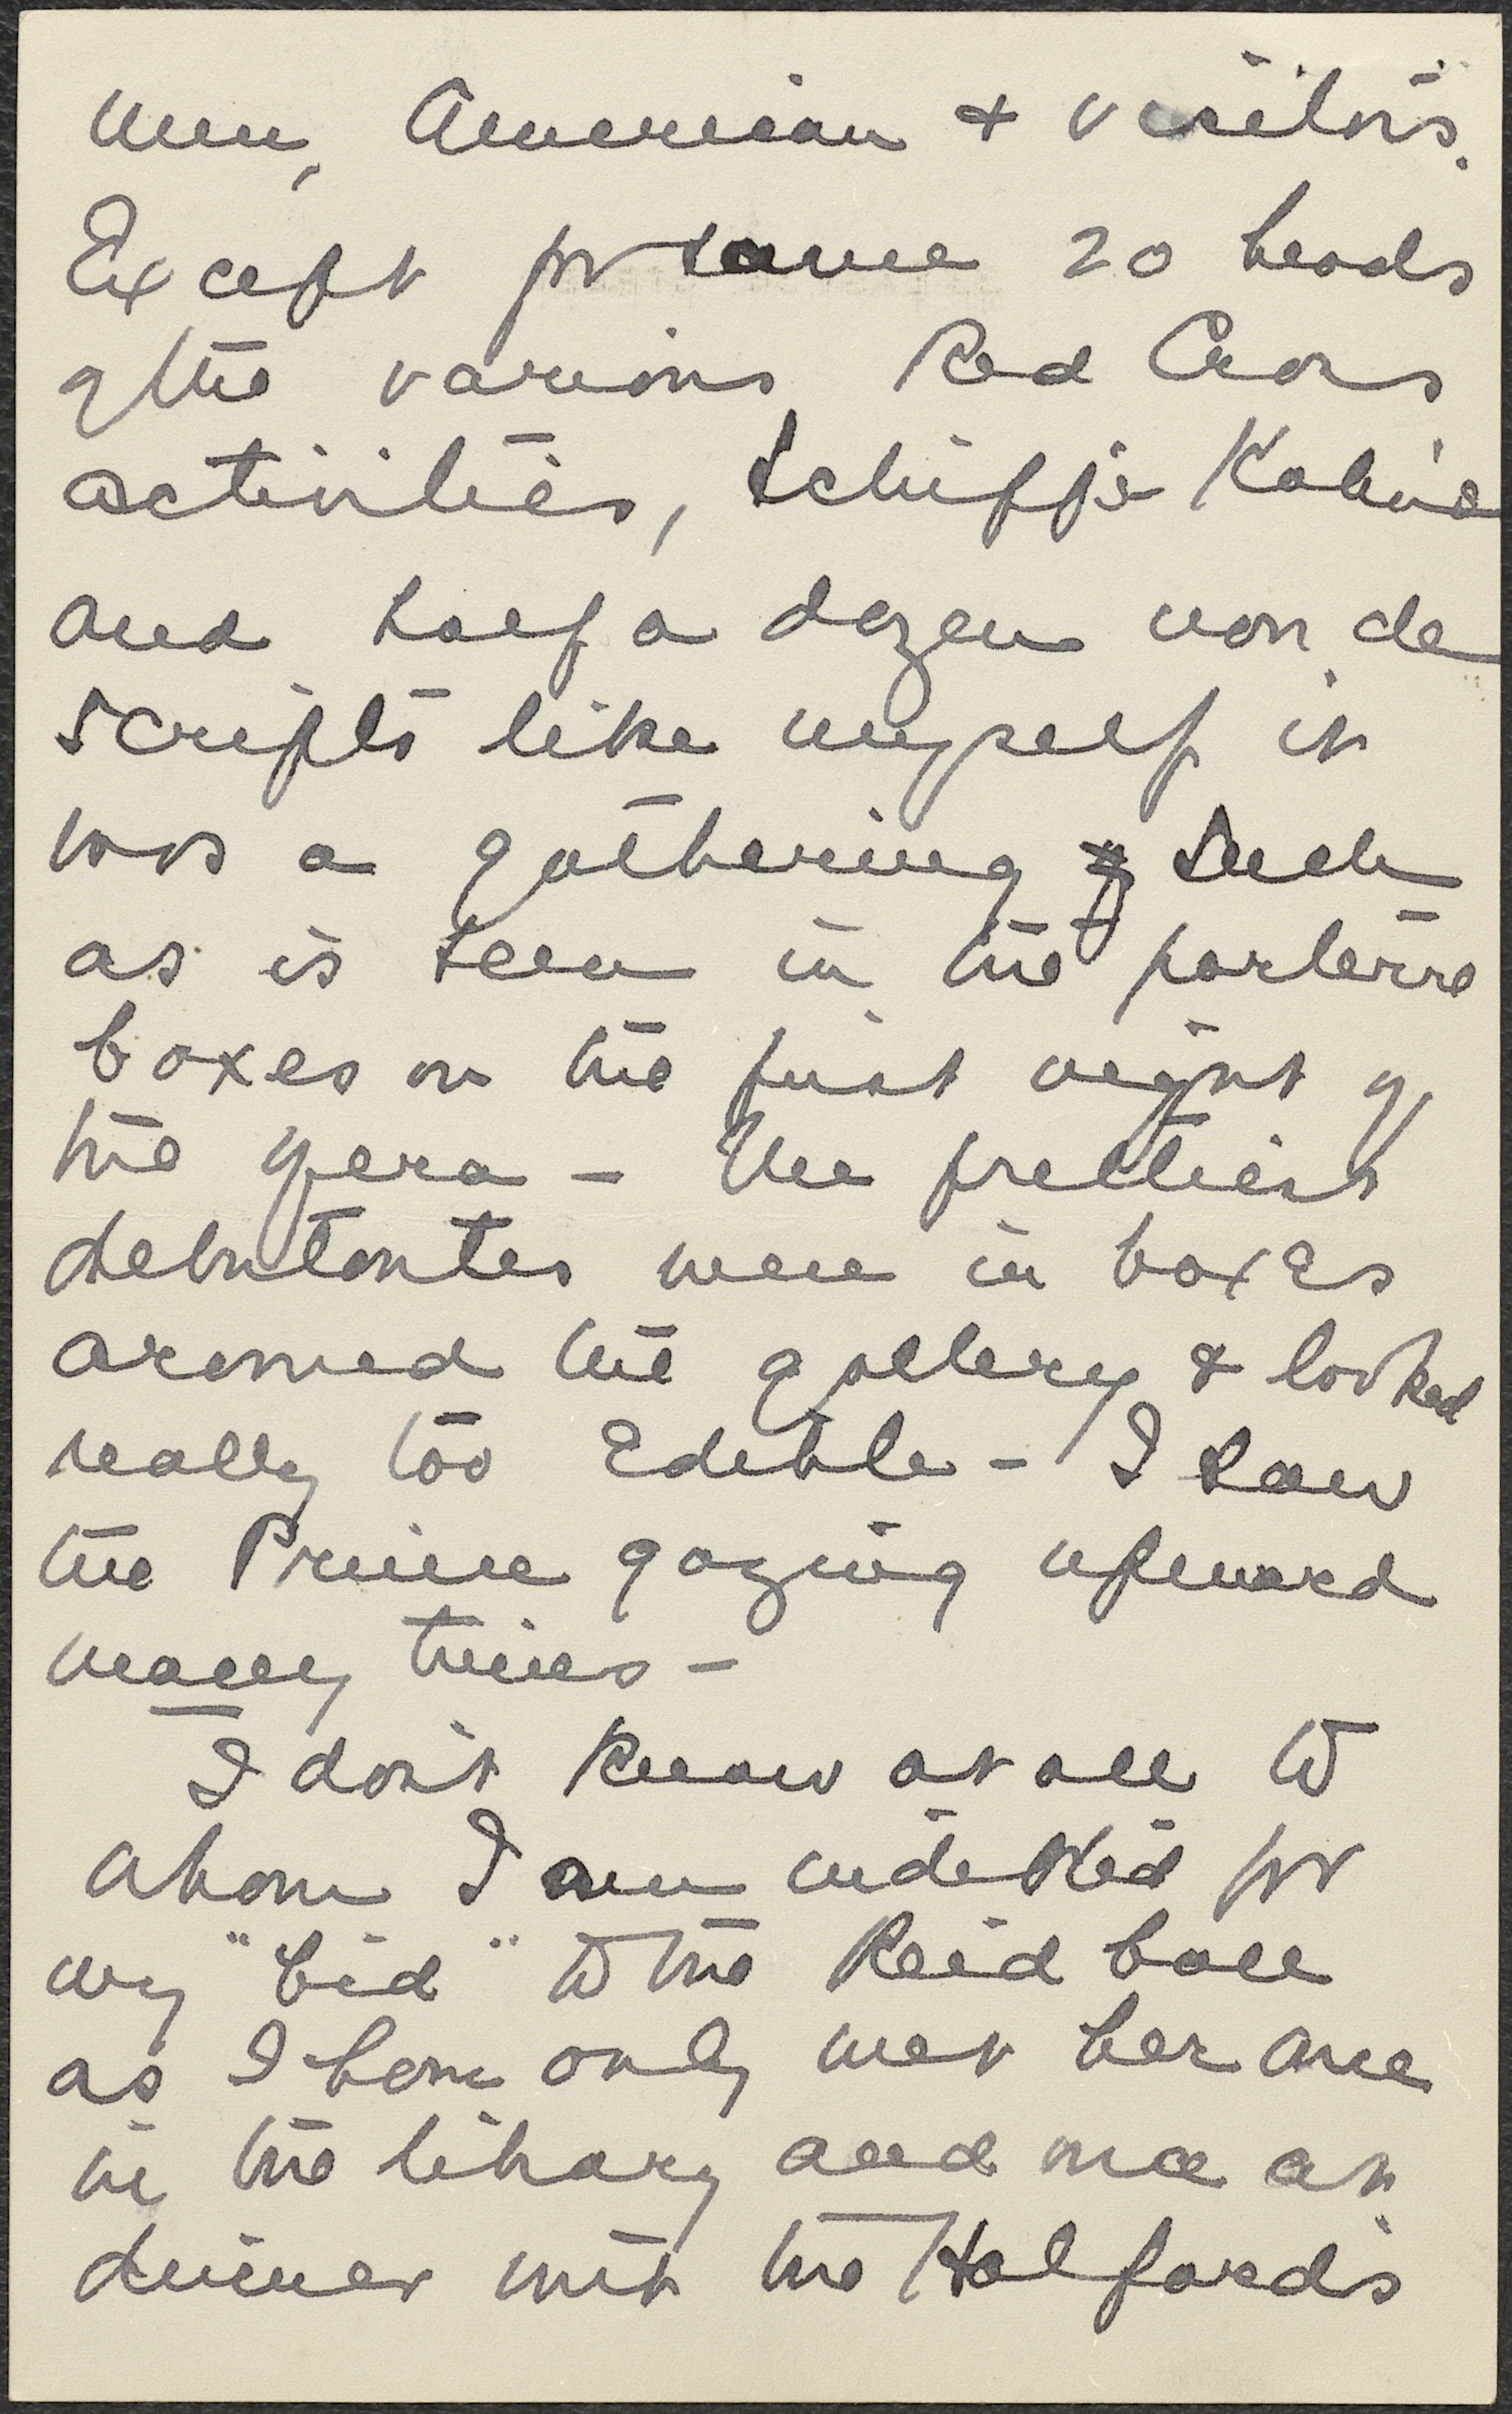men, American & visitors. Except for some 20 heads of the various Red Cross activities, Schiff's Kahn's and half a dozen non descripts like myself it was a gathering of such as is seen in the parterre boxes on the first night of the opera – The prettiest debutantes were in boxes around the gallery & looked really too edible – I saw the Prince gazing upward many times –
I don't know at all to whom I am indebted for my "bid" to the Reid ball as I have only met her once in the library and once at dinner with the Holford's